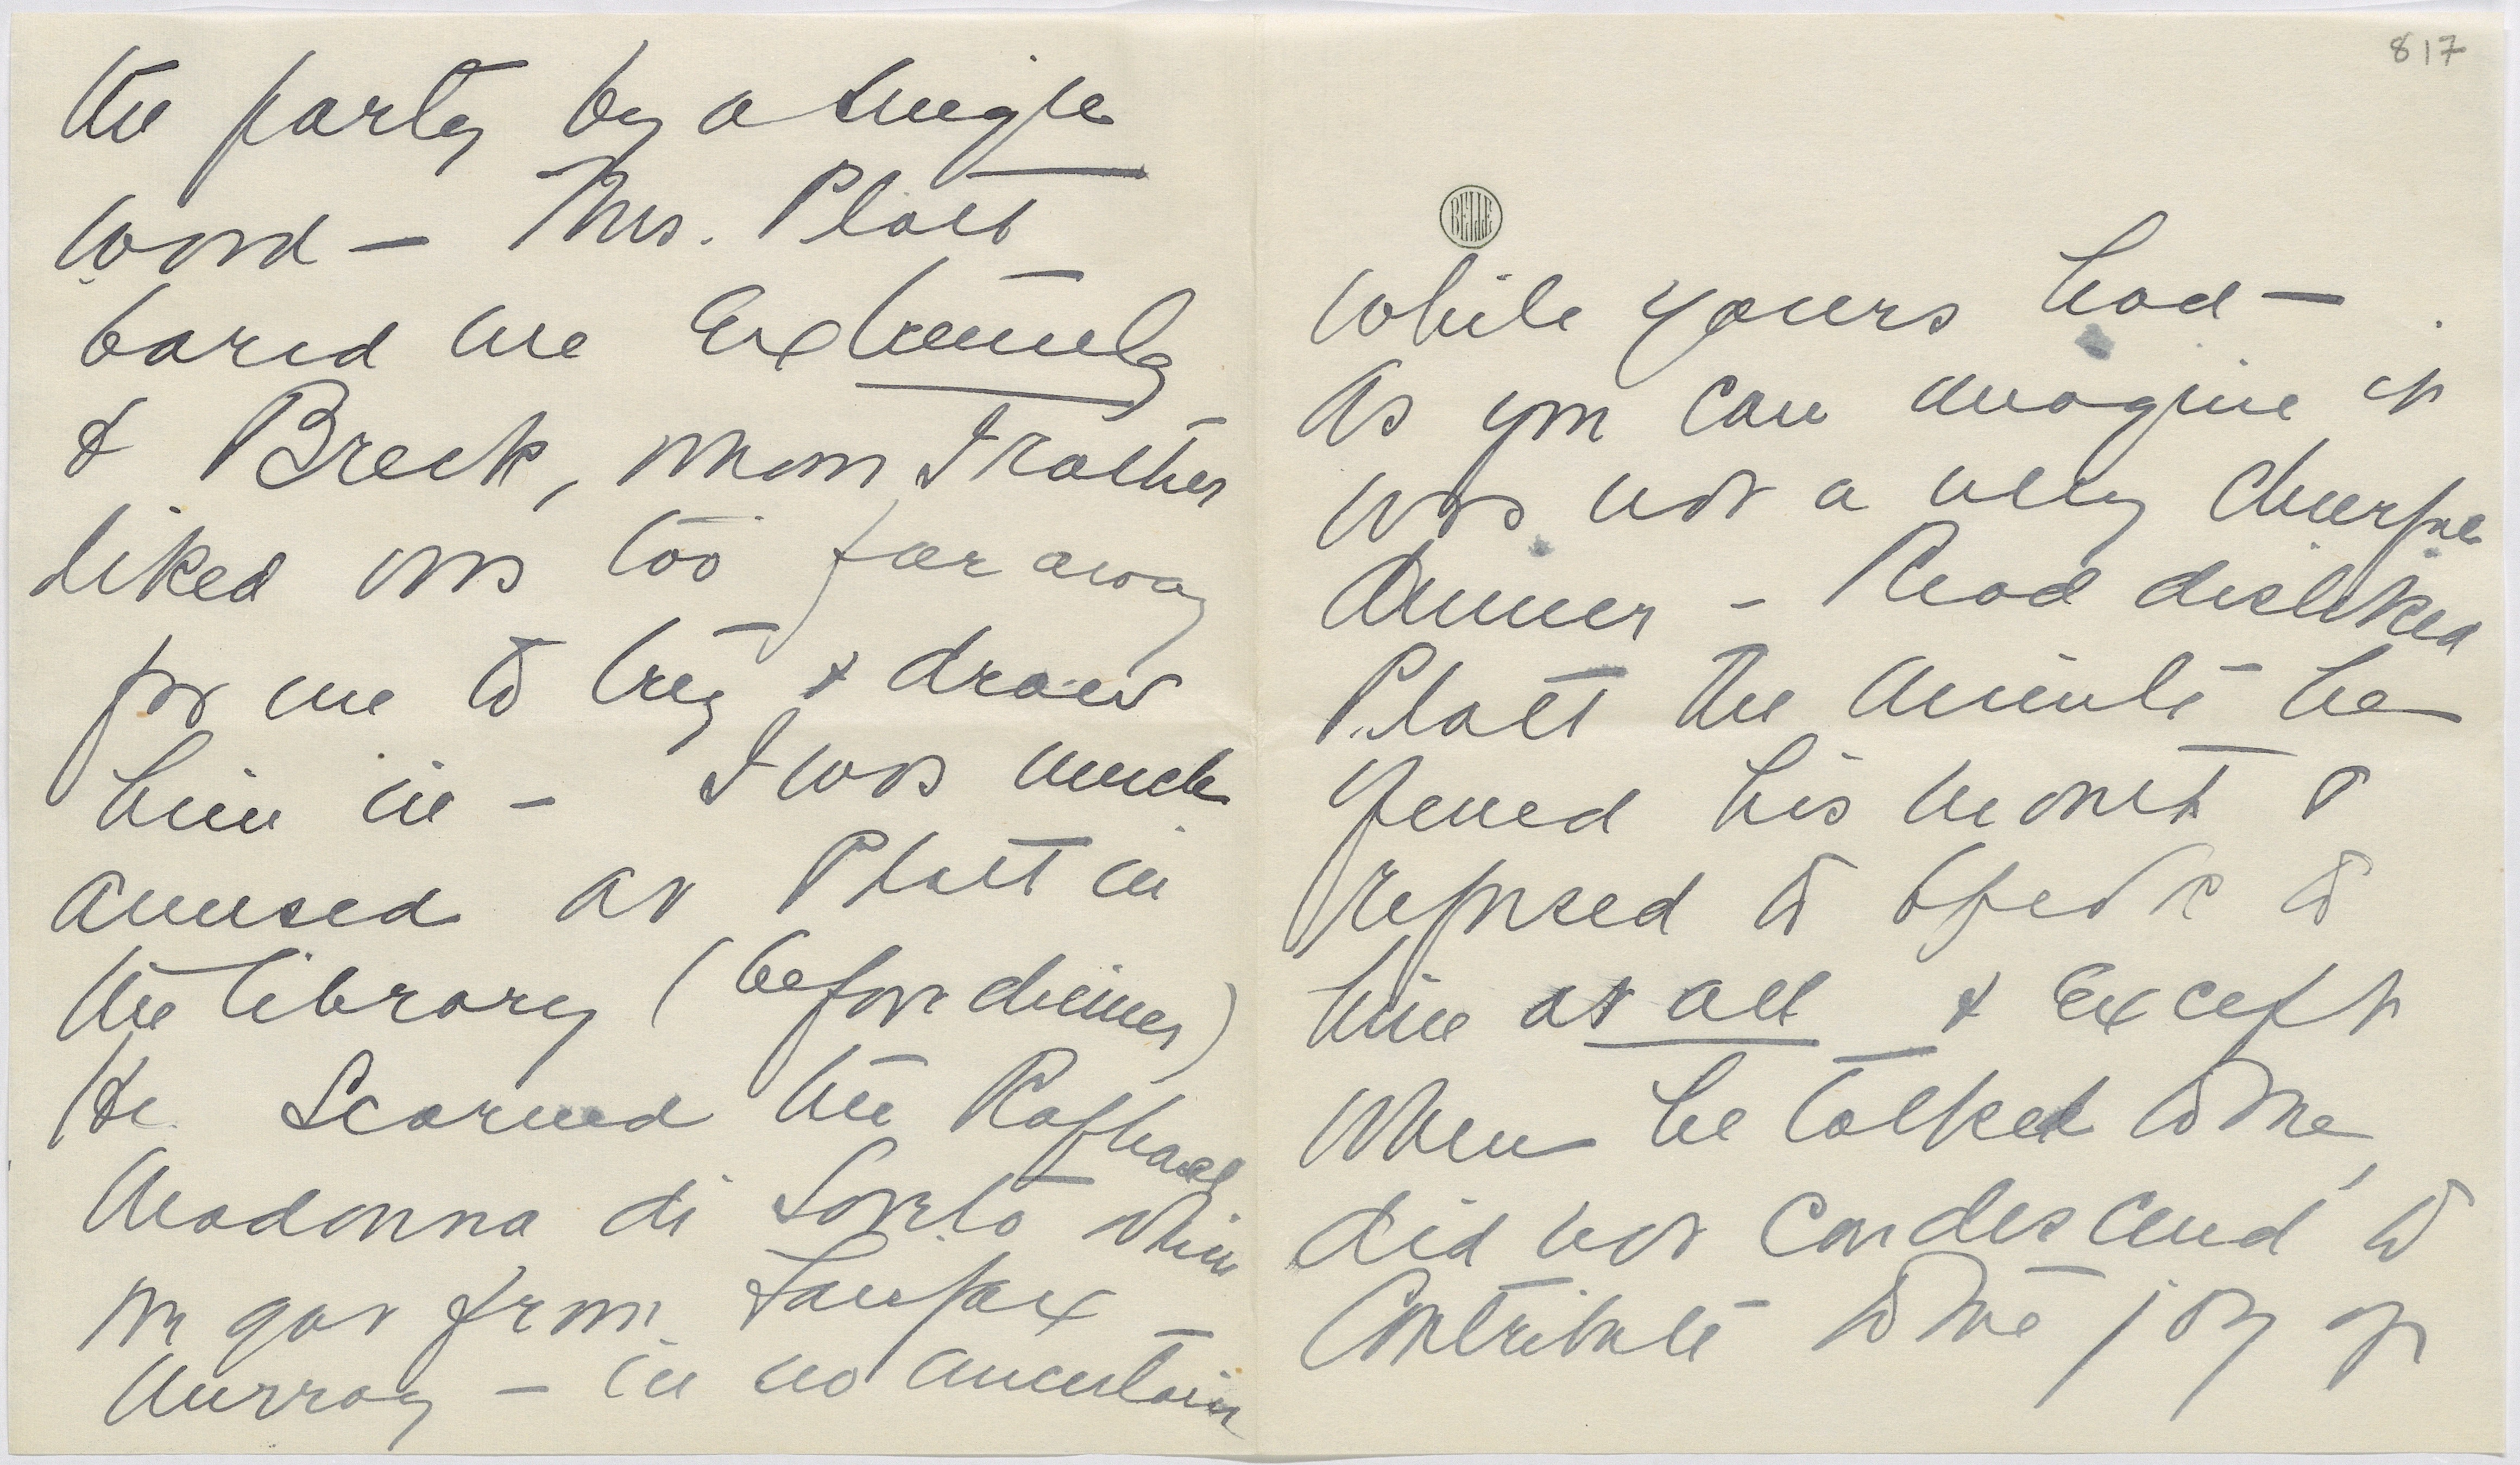while yours had –
As you can imagine it was not a very cheerful dinner – Read disliked Platt the minute he opened his mouth & refused to speak to him at all & except when he talked to me, did not condescend to contribute to the joy of
the party by a single word – Mrs. Platt bored me extremely & Breck, whom I rather liked was too far away for me to try & draw him in – I was much amused at Platt in the library (before dinner) He scorned the Raphael Madonna di Loreto which we got from Fairfax Murray – in no uncertain